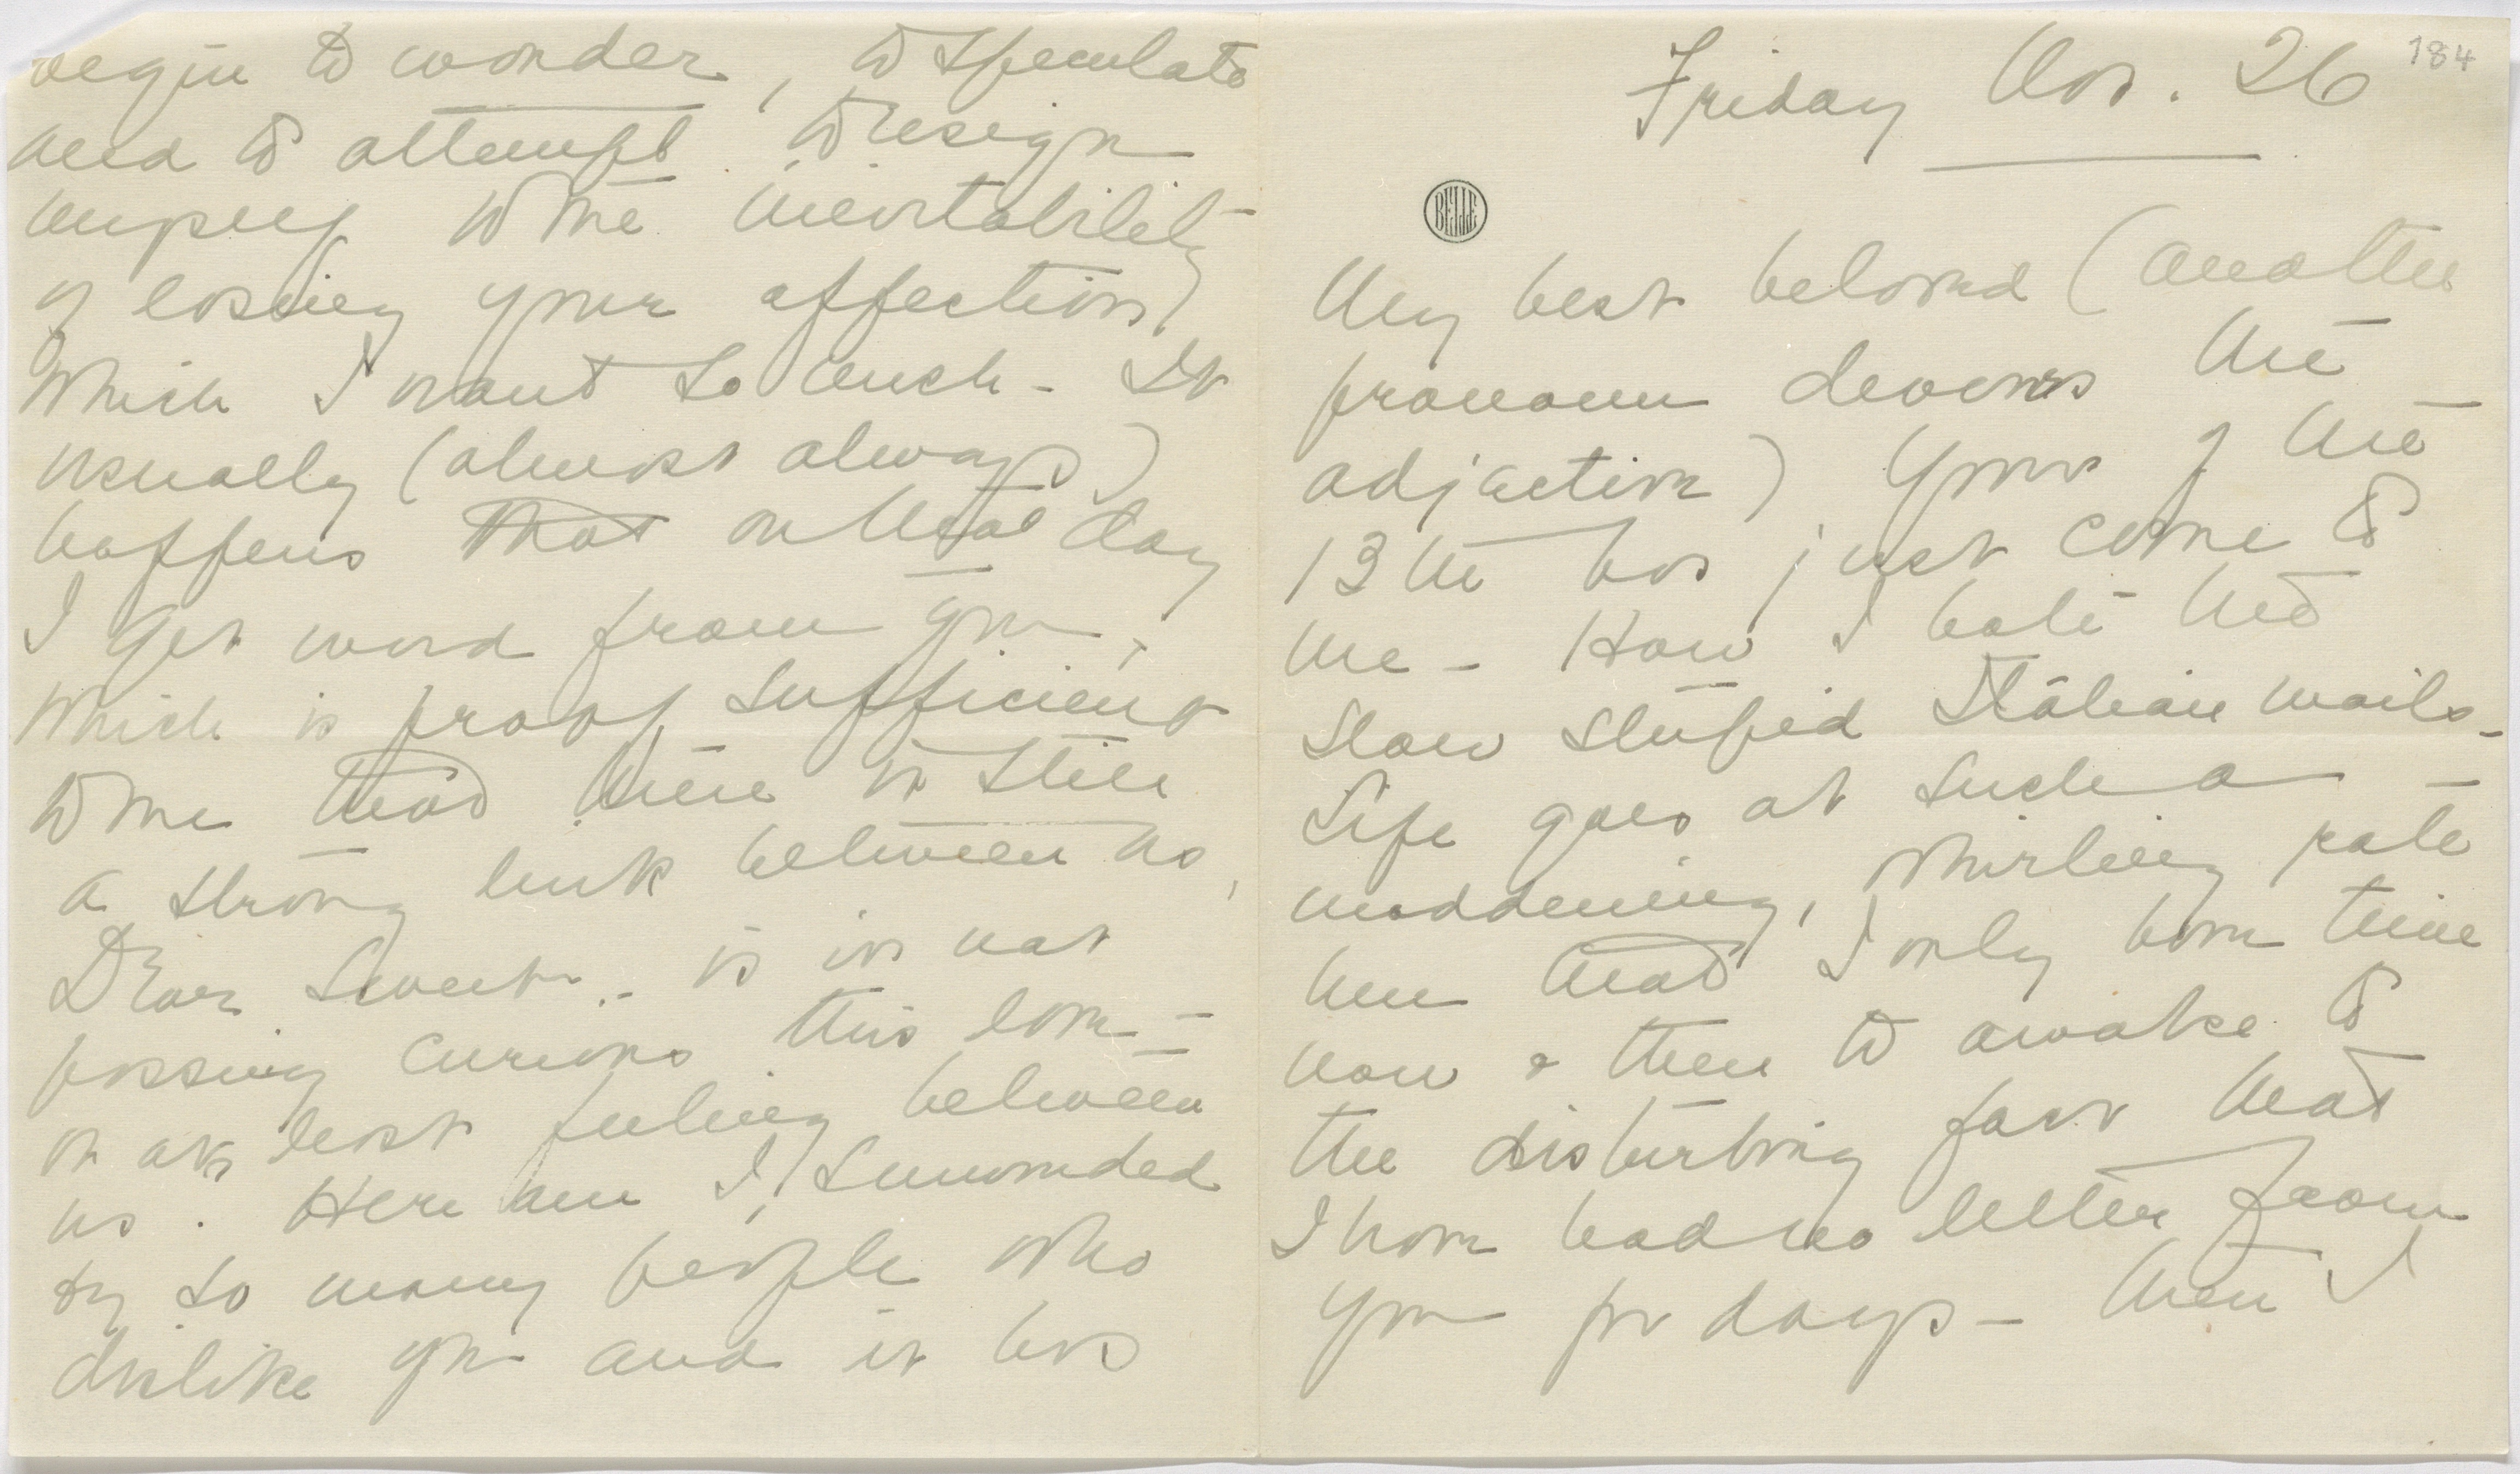Friday Nov. 26
My best beloved (and the pronoun devours the adjective) Yours of the 13th has just come to me – How I hate the slow stupid Italian mails –
Life goes at such a maddening, whirling rate here that I only have time now & then to awake to the disturbing fact that I have had no letter from you for days – then I
begin to wonder, to speculate and to attempt to resign myself to the inevitability of losing your affection which I want so much – It usually (almost always) happens that on that day I get word from you, which is proof sufficient to me that there is still a strong link between us,
Dear Sweet – is it not passing curious this love – or at least feeling between us? Here am I, surrounded by so many people who dislike you and it has